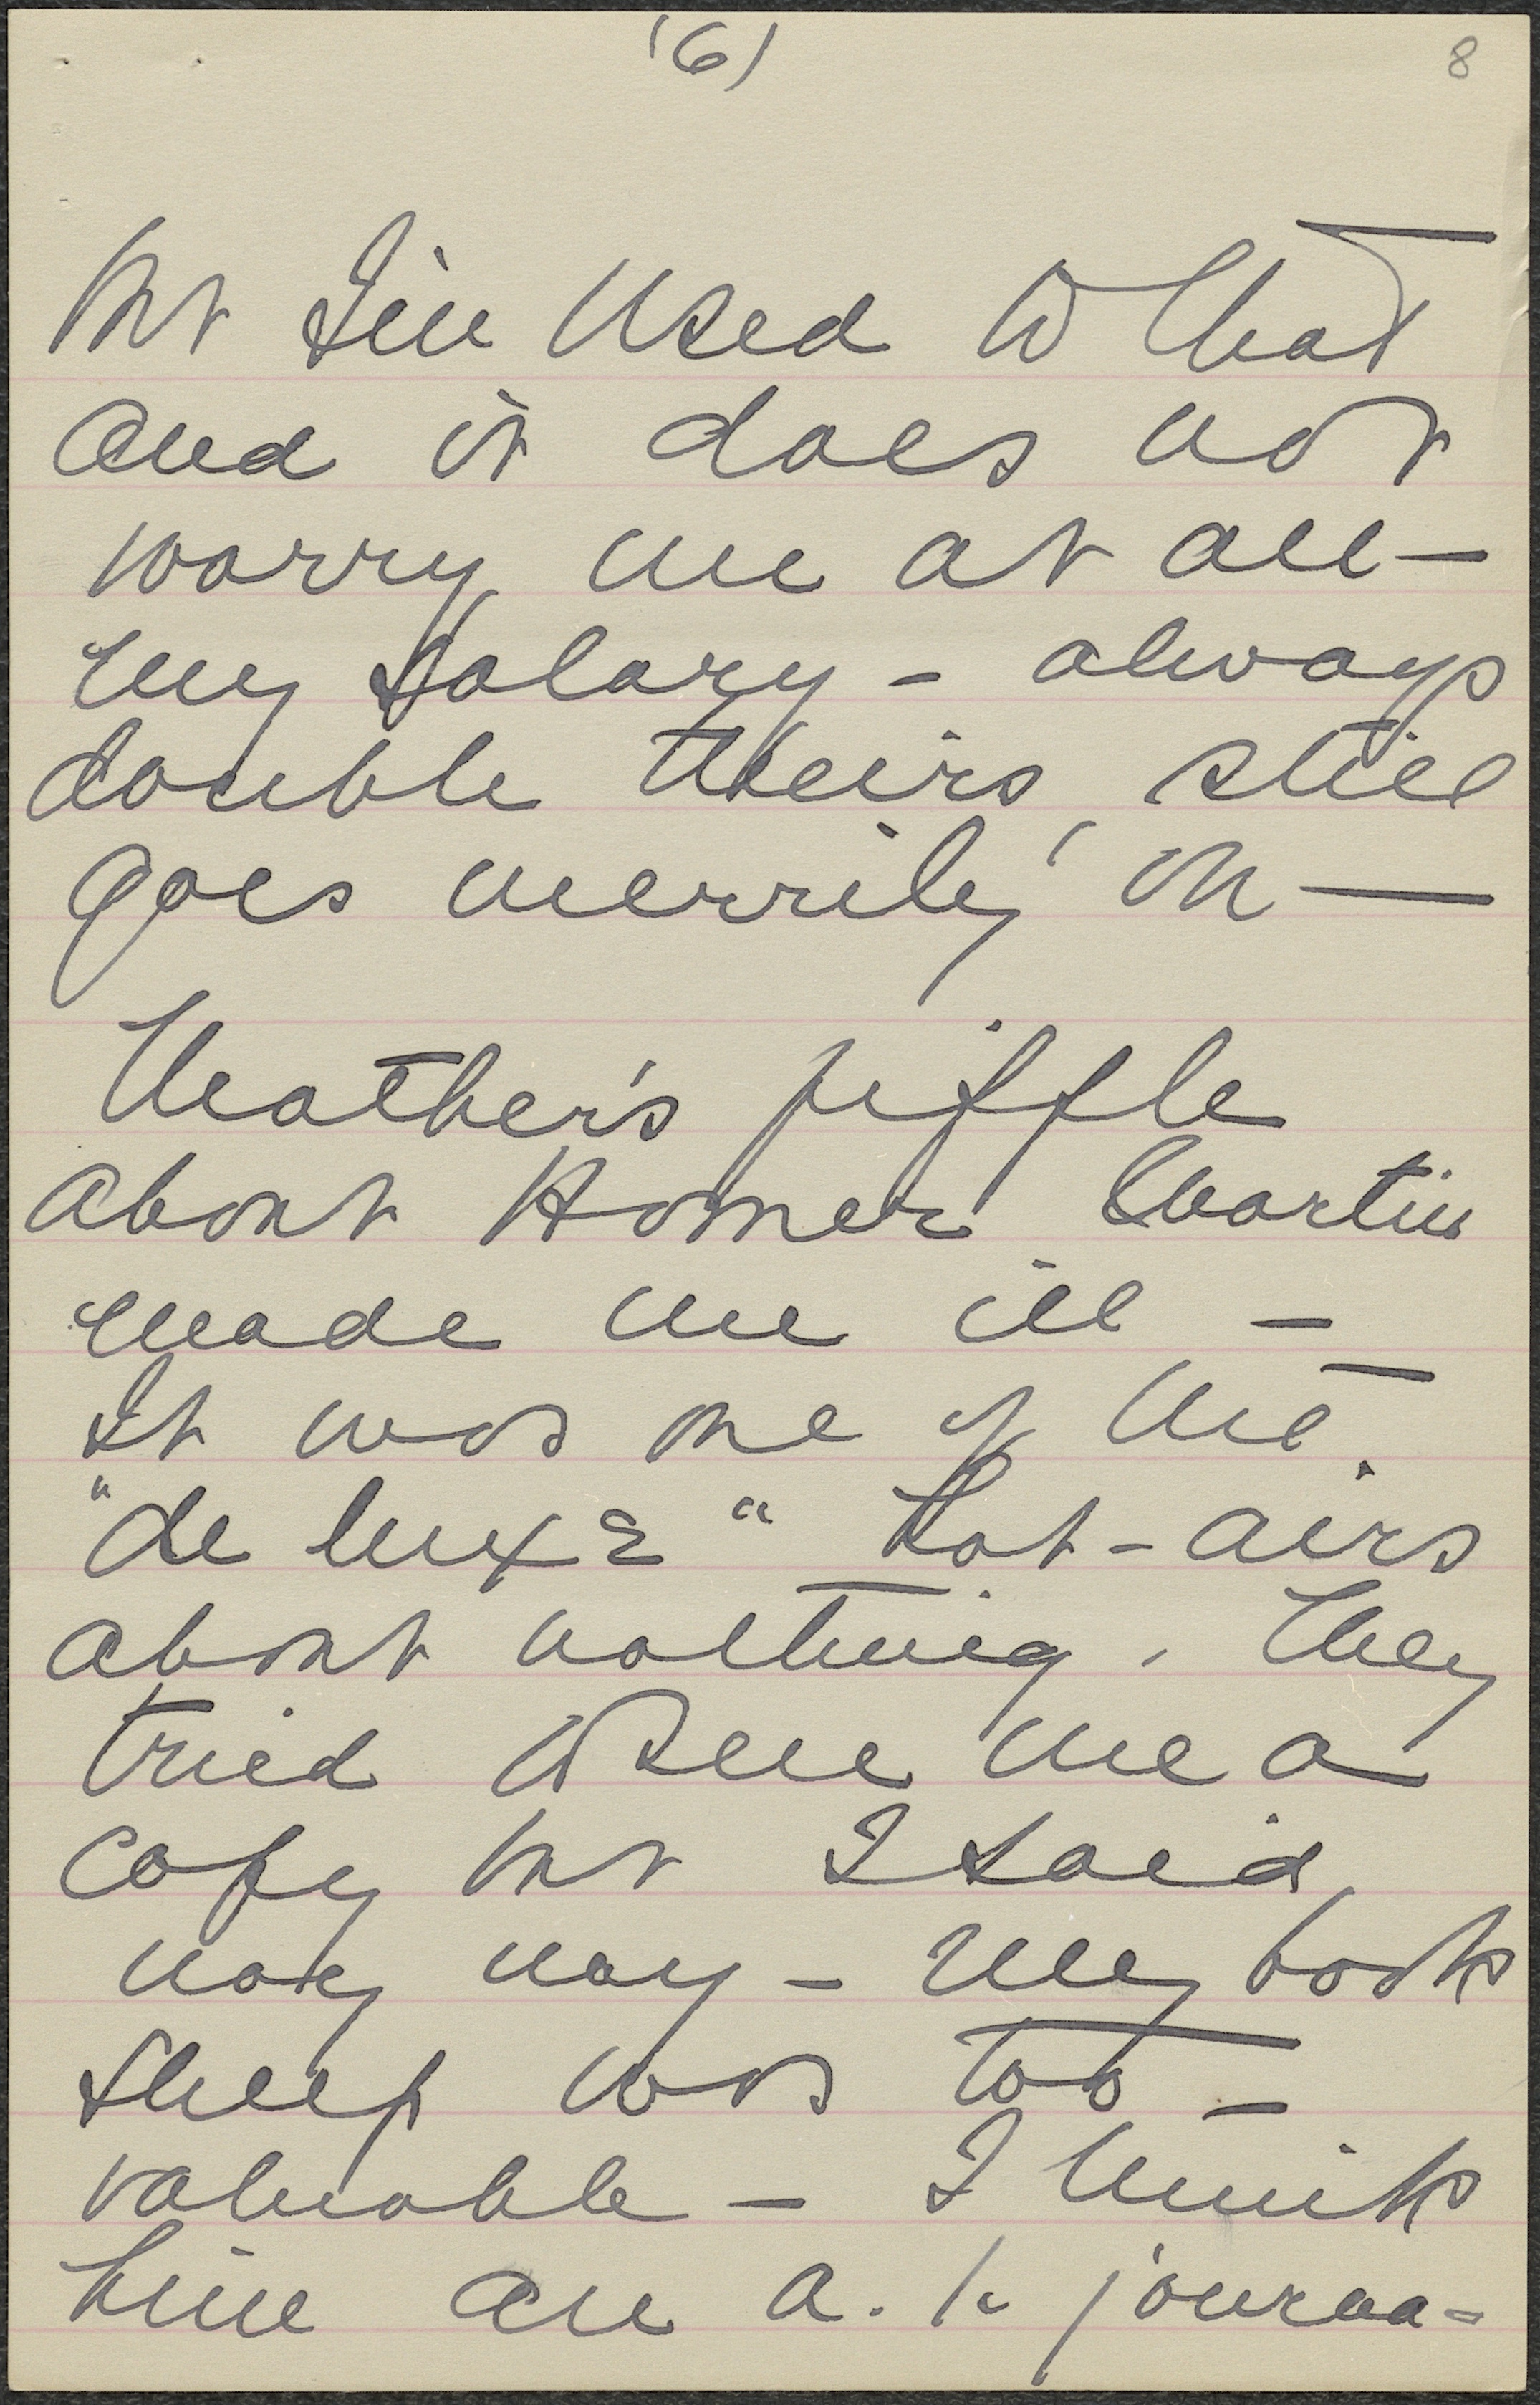(6)
but I’m used to that and it does not worry me at all – my salary – always double theirs, still goes merrily on –
Mather’s piffle about Homer Martin made me ill – It was one of the “de luxe” hot-airs about nothing, they tried to sell me a copy but I said nay nay – my book shelf was too valuable – I think him an a. 1. journalist